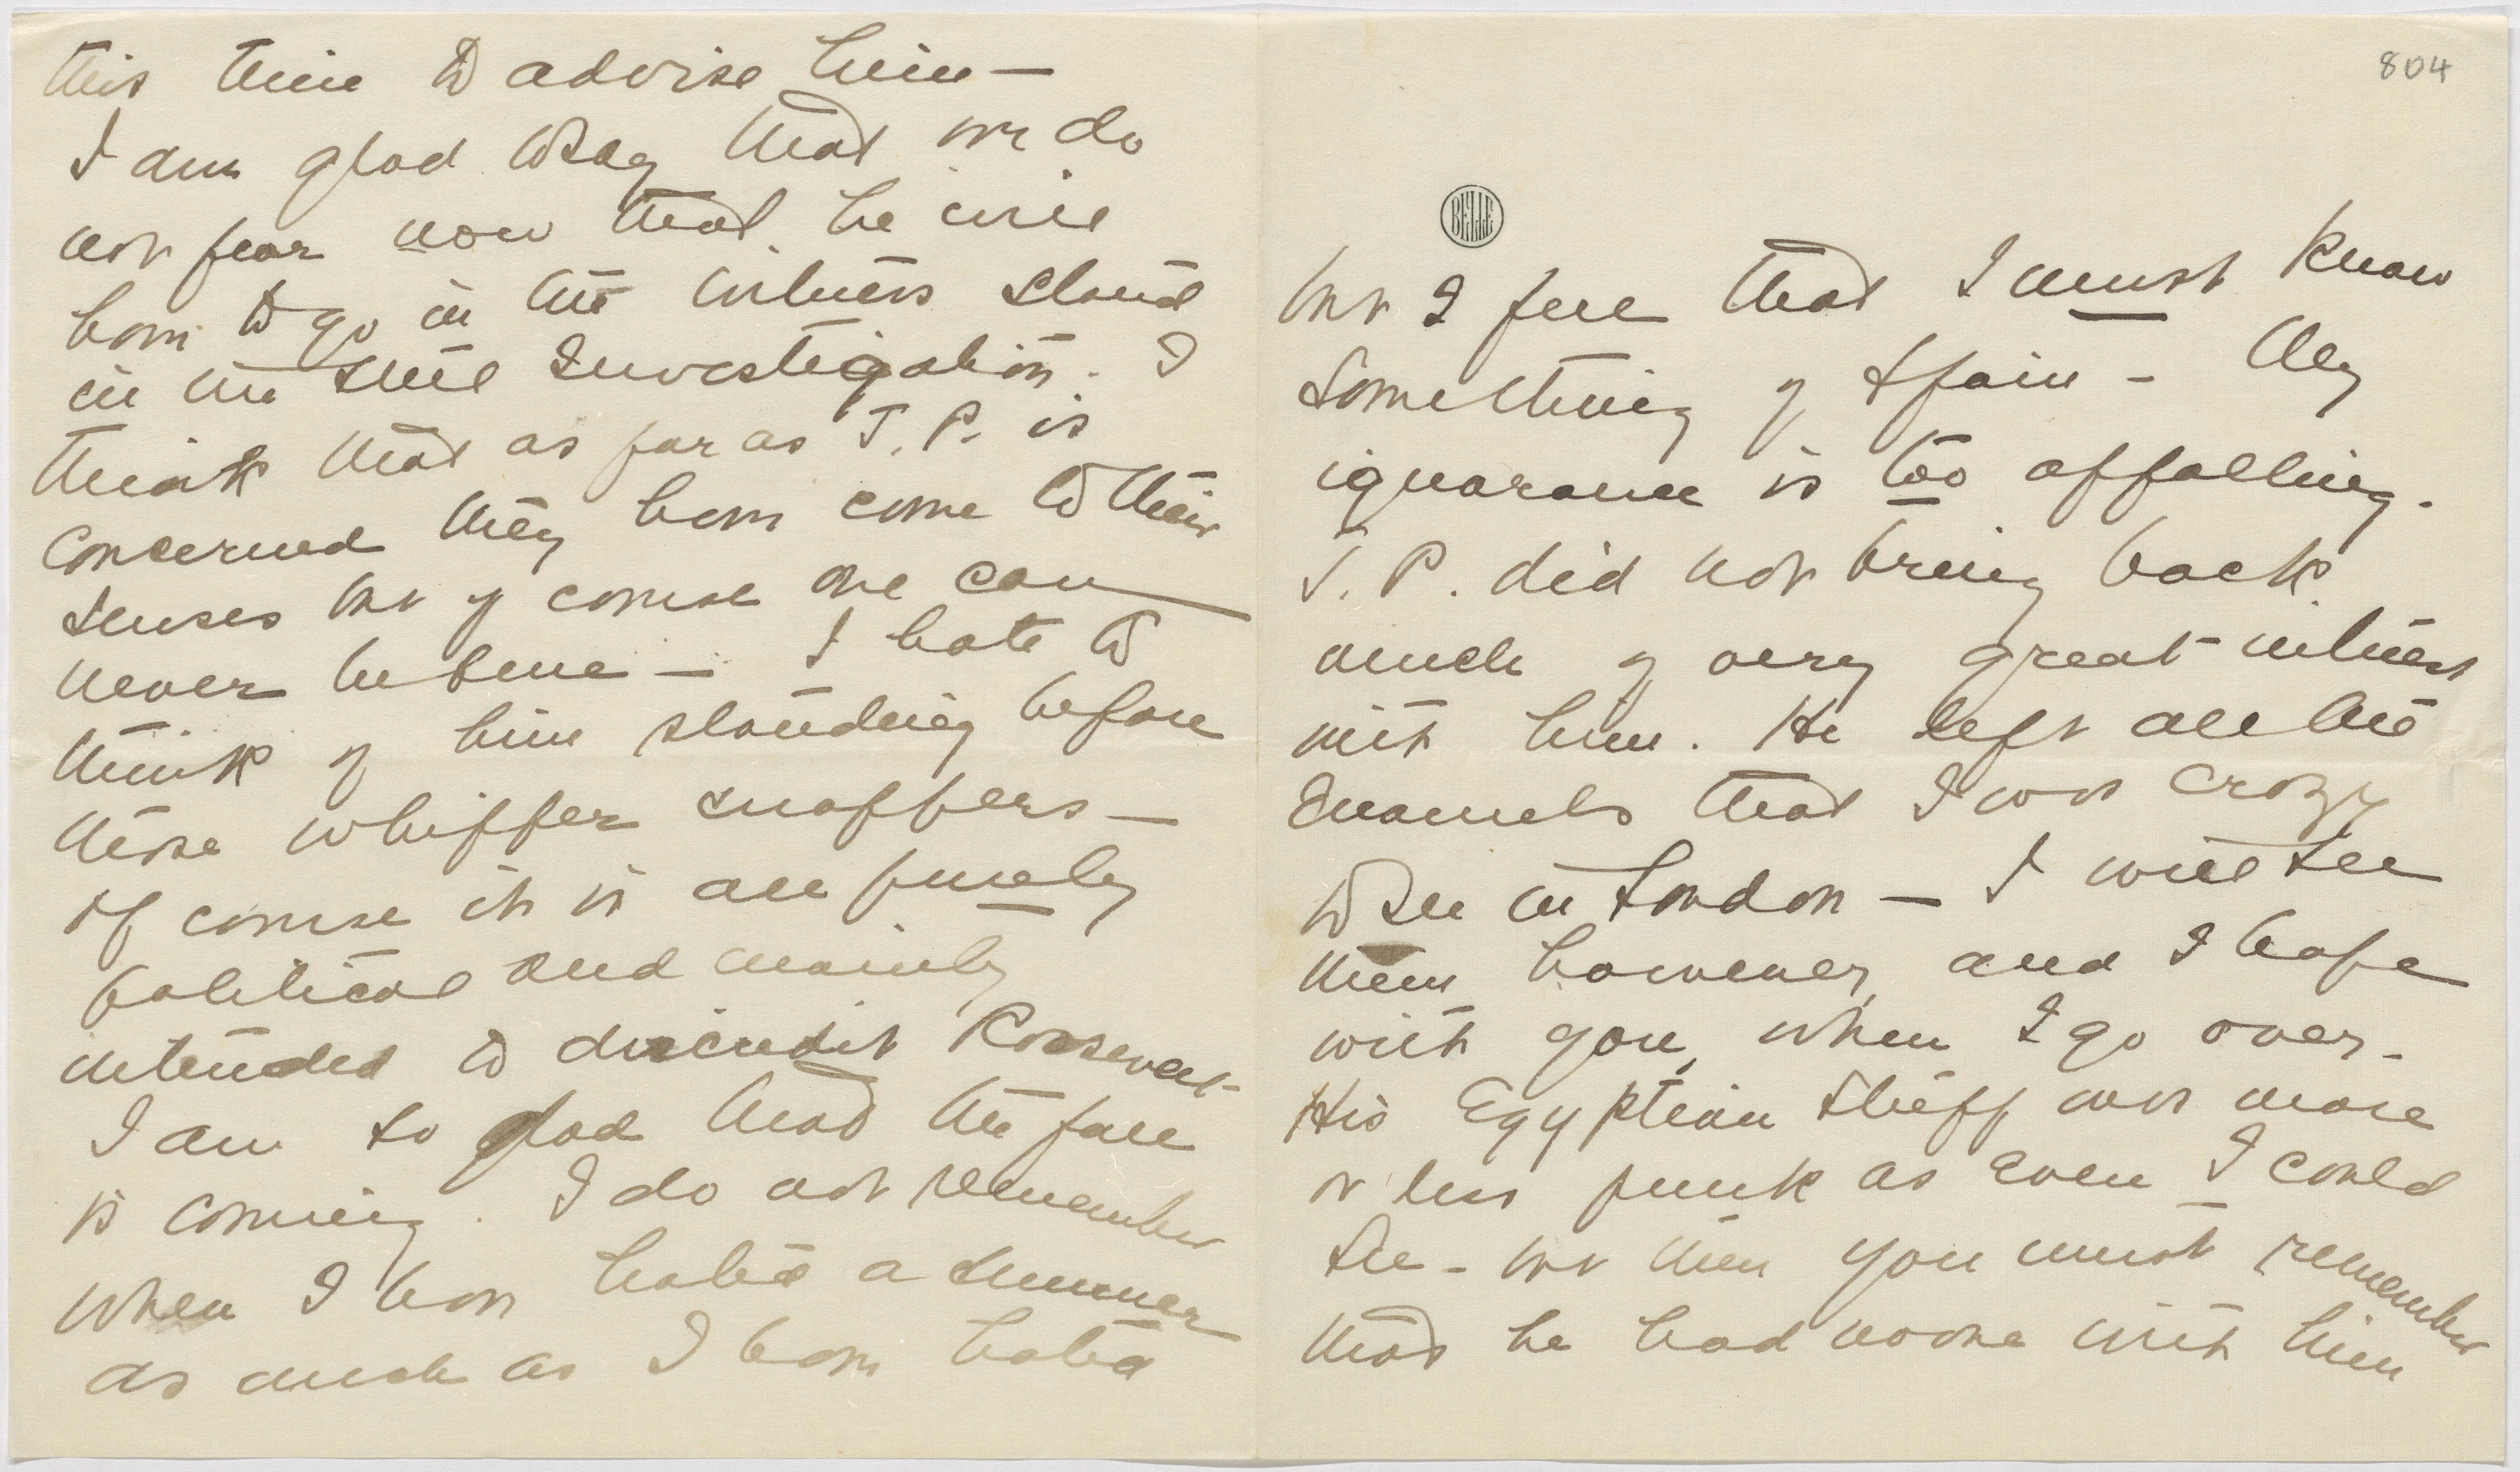but I feel that I must know something of Spain – My ignorance is too appalling. J. P. did not bring back much of very great interest with him. He left all the enamels that I was crazy to see in London – I will see them however, and I hope with you, when I go over – His Egyptian stuff was more or less punk as even I could see – but then you must remember that he had noone with him
this time to advise him –
I am glad to say that we do not fear now that he will have to go in the witness stand in the Steel Investigation. I think that as far as J. P. is concerned they have come to their senses but of course one can never be sure – I hate to think of him standing before those whipper snappers – of course it is all purely political and mainly intended to discredit Roosevelt –
I am so glad that the fall is coming. I do not remember when I have hated a summer as much as I have hated